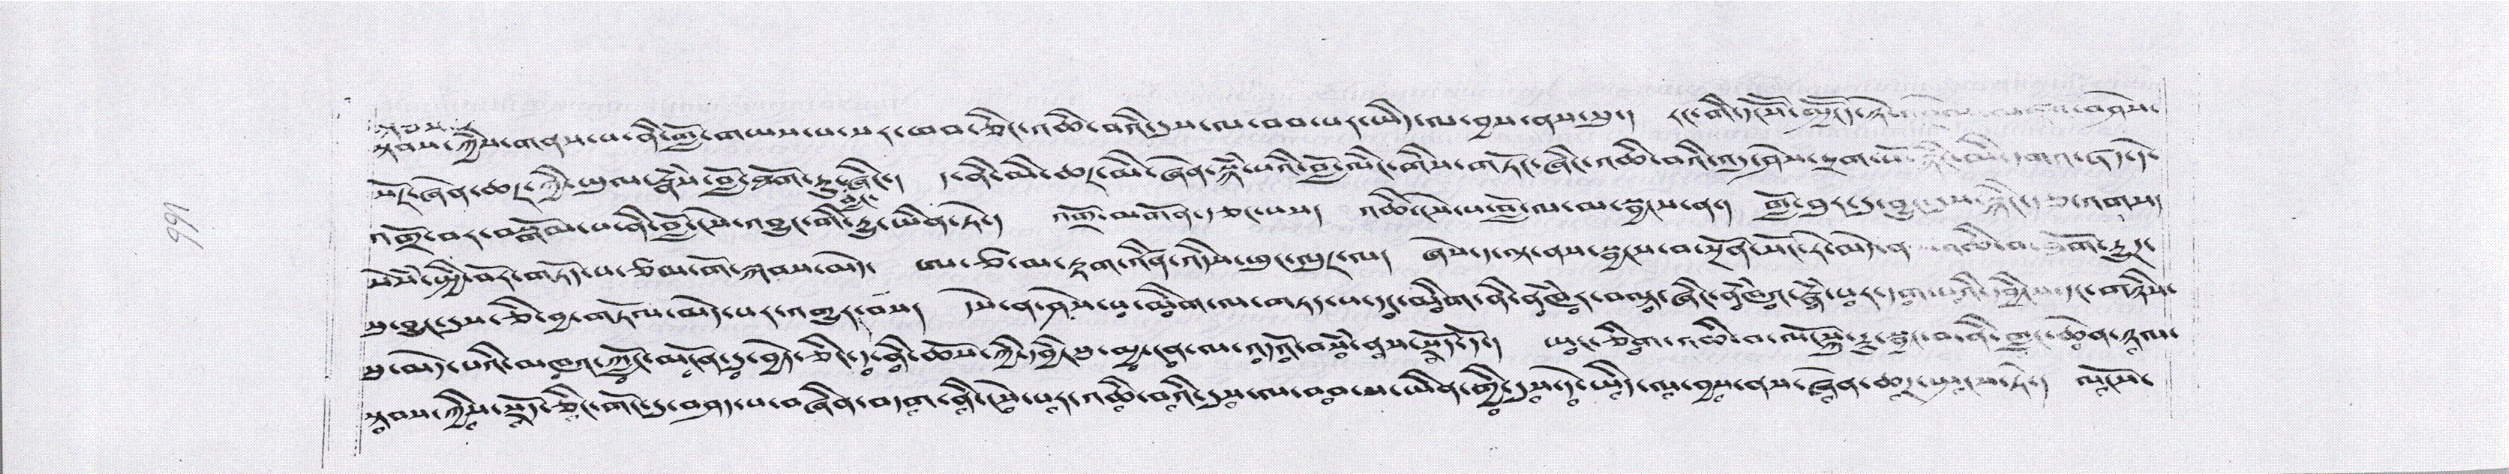སྟབས་ཀྱིས་གནས་པ་ནི་གློ་གཡས་པ་སར་ཕབ་ཅིང་འཆི་བའི་དུས་ལ་བབ་པར་ཡིད་ལ་བྱས་ནས་སུ། རང་གི་དངོས་པོ་ལོངས་སྤྱོད་ཉེ་འབྲེལ་མཛའ་བཤེས་
སོགས་ཞེན་ཆགས་ཀྱི་ཡུལ་རྣམས་བློ་ཐོག་ཏུ་བླང་ཞིང་། ད་ནི་མི་ཆགས་མི་ཞེན་སྙམ་པའི་བློ་ལིང་གིས་གཏོང་ཞིང་འཆི་བའི་འདུ་ཤེས་དྲག་པོ་སྙིང་མི་དགའ་ཧད་དེ་
འགྲོ་བར་བསྒོམ་པ་ནི་བློ་ངེས་འབྱུང་གི་རྒྱུ་ཡིན་ཏེ། མགྲོ་མགོན་རྩང་པས། འཆི་ངེས་པ་བློ་ལ་མ་སྦྱངས་ན། གློ་བུར་དུ་བྱུང་དུས་སྙིང་རྩ་འགས། 
སེམས་སྤྱི་བོར་གཏོད་པ་ཙམ་གོ་སྐབས་མེད། ཨ་ཙ་མ་རྟག་འཛིན་འདིས་ཕུང་ལུགས་ལ། ཞེས་ད་ལྟ་ནས་སྦྱང་བ་སྔོན་སོང་རེ་མེད་ན་འཆི་བ་ཐོག་རྒྱུགས་
སུ་བྱུང་དུས་ཅི་བྱ་གཏོལ་མེད་པར་འགྱུར་བས། དེས་ན་ཤེས་པ་མིག་ལ་གཏད་པ་དང་མིག་ནི་ནམ་མཁར་ལྟ་ཞིང་ནམ་མཁའ་རྣམ་པར་དག་པའི་དབྱིངས་དང་གཉིས་
སུ་མེད་པའི་མཁའ་ཀློང་མངོན་དུ་བྱེད་ཅིང་ད་ནི་ཆོས་ཀྱི་དབྱིངས་སུ་མྱ་ངན་ལས་འདའ་འོ་བསམ་ནས་སྡོད་དོ། །ཡང་ཅིག་འཆི་བ་ལོངས་སྐུ་རུ་སྦྱང་བ་ནི། གླང་ཆེན་ཉལ་
སྟབས་ཀྱིས་སྡོད་ཅིང་གོང་དུ་བཤད་པ་བཞིན་བདག་ནི་ངེས་པར་འཆི་བའི་དུས་ལ་བབ་པ་ཡིན་གྱི་དུས་དེ་ཡིད་ལ་བྱས་ནས་ཞེན་ཆགས་སྤངས་སྟེ། ལོངས་